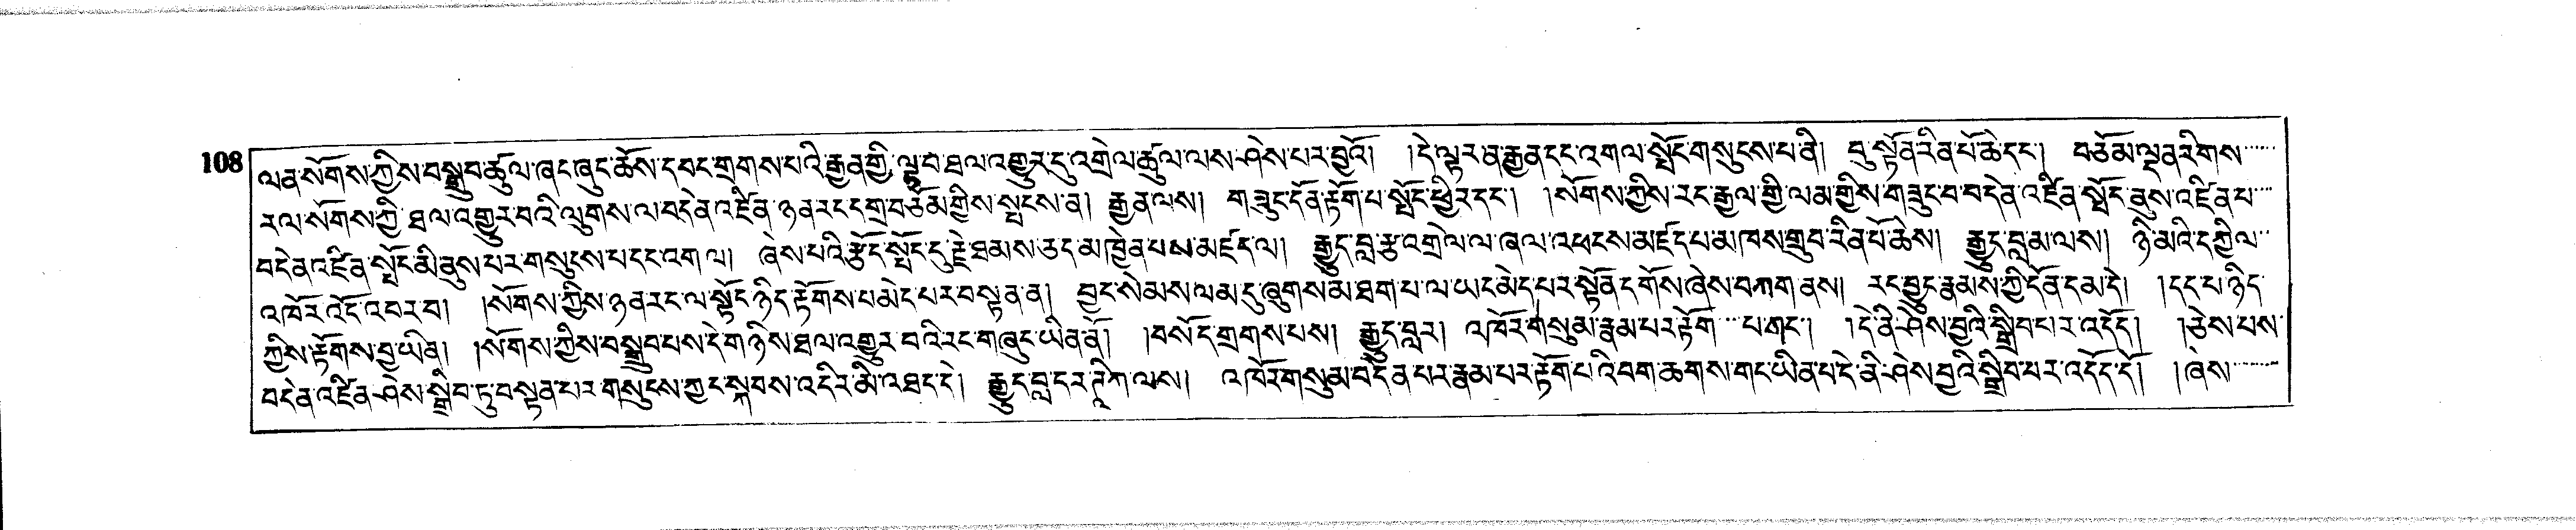ལན་སོགས་ཀྱིས་བསྒྲུབ་ཚུལ་ཞང་ཞུང་ཆོས་དབང་གྲགས་པའི་རྒྱན་གྱི་ལྟ་བ་ཐལ་འགྱུར་དུ་འགྲེལ་ཚུལ་ལས་ཤེས་པར་བྱའོ། །དེ་ལྟར་ན་རྒྱན་དང་འགལ་སྤོང་གསུངས་པ་ནི། བུ་སྟོན་རིན་པོ་ཆེ་དང་། བཅོམ་ལྡན་རིགས་
རལ་སོགས་ཀྱི་ཐལ་འགྱུར་བའི་ལུགས་ལ་བདེན་འཛིན་ཉན་རང་དགྲ་བཅོམ་གྱིས་སྤངས་ན། རྒྱན་ལས། གཟུང་དོན་རྟོག་པ་སྤོང་ཕྱིར་དང་། །སོགས་ཀྱིས་རང་རྒྱལ་གྱི་ལམ་གྱིས་གཟུང་བ་བདེན་འཛིན་སྤོང་ནུས་འཛིན་པ་
བདེན་འཛིན་སྤོང་མི་ནུས་པར་གསུངས་པ་དང་འགལ། ཞེས་པའི་རྩོད་སྤོང་དུ་རྗེ་ཐམས་ཅད་མཁྱེན་པས་མཛད་ལ། རྒྱུད་བླ་རྩ་འགྲེལ་ལ་ཞལ་འཕངས་མཛད་པ་མཁས་གྲུབ་རིན་པོ་ཆེས། རྒྱུད་བླ་མ་ལས། ཉི་མའི་དཀྱིལ་
འཁོར་འོང་འབར་བ། །སོགས་ཀྱིས་ཉན་རང་ལ་སྟོང་ཉིད་རྟོགས་པ་མེད་པར་བསྟན་ན། བྱང་སེམས་ལམ་དུ་ཞུགས་མ་ཐག་པ་ལ་ཡང་མེད་པར་སྟོན་དགོས་ཞེས་བཀག་ནས། རང་བྱུང་རྣམས་ཀྱི་དོན་དམ་དེ། །དད་པ་ཉིད་
ཀྱིས་རྟོགས་བྱ་ཡིན། །སོགས་ཀྱིས་བསྒྲུབ་པས་དེ་གཉིས་ཐལ་འགྱུར་བའི་རང་གཞུང་ཡིན་ནོ། །བསོད་གྲས་པས། རྒྱུད་བླར། འཁོར་གསུམ་རྣམ་པར་རྟོག་པ་གང་། །དེ་ནི་ཤེས་བྱའི་སྒྲིབ་པར་འདོད། །ཅེས་པས་
བདེན་འཛིན་ཤེས་སྒྲིབ་ཏུ་བསྟན་པར་གསུངས་ཀྱང་སྐབས་འདིར་མི་འཐད་དེ། རྒྱུད་བླ་དར་ཊཱིཀ་ལས། འཁོར་གསུམ་བདེན་པར་རྣམ་པར་རྟོག་པའི་བག་ཆགས་གང་ཡིན་པ་དེ་ནི་ཤེས་བྱའི་སྒྲིབ་པར་འདོད་དོ། །ཞེས་